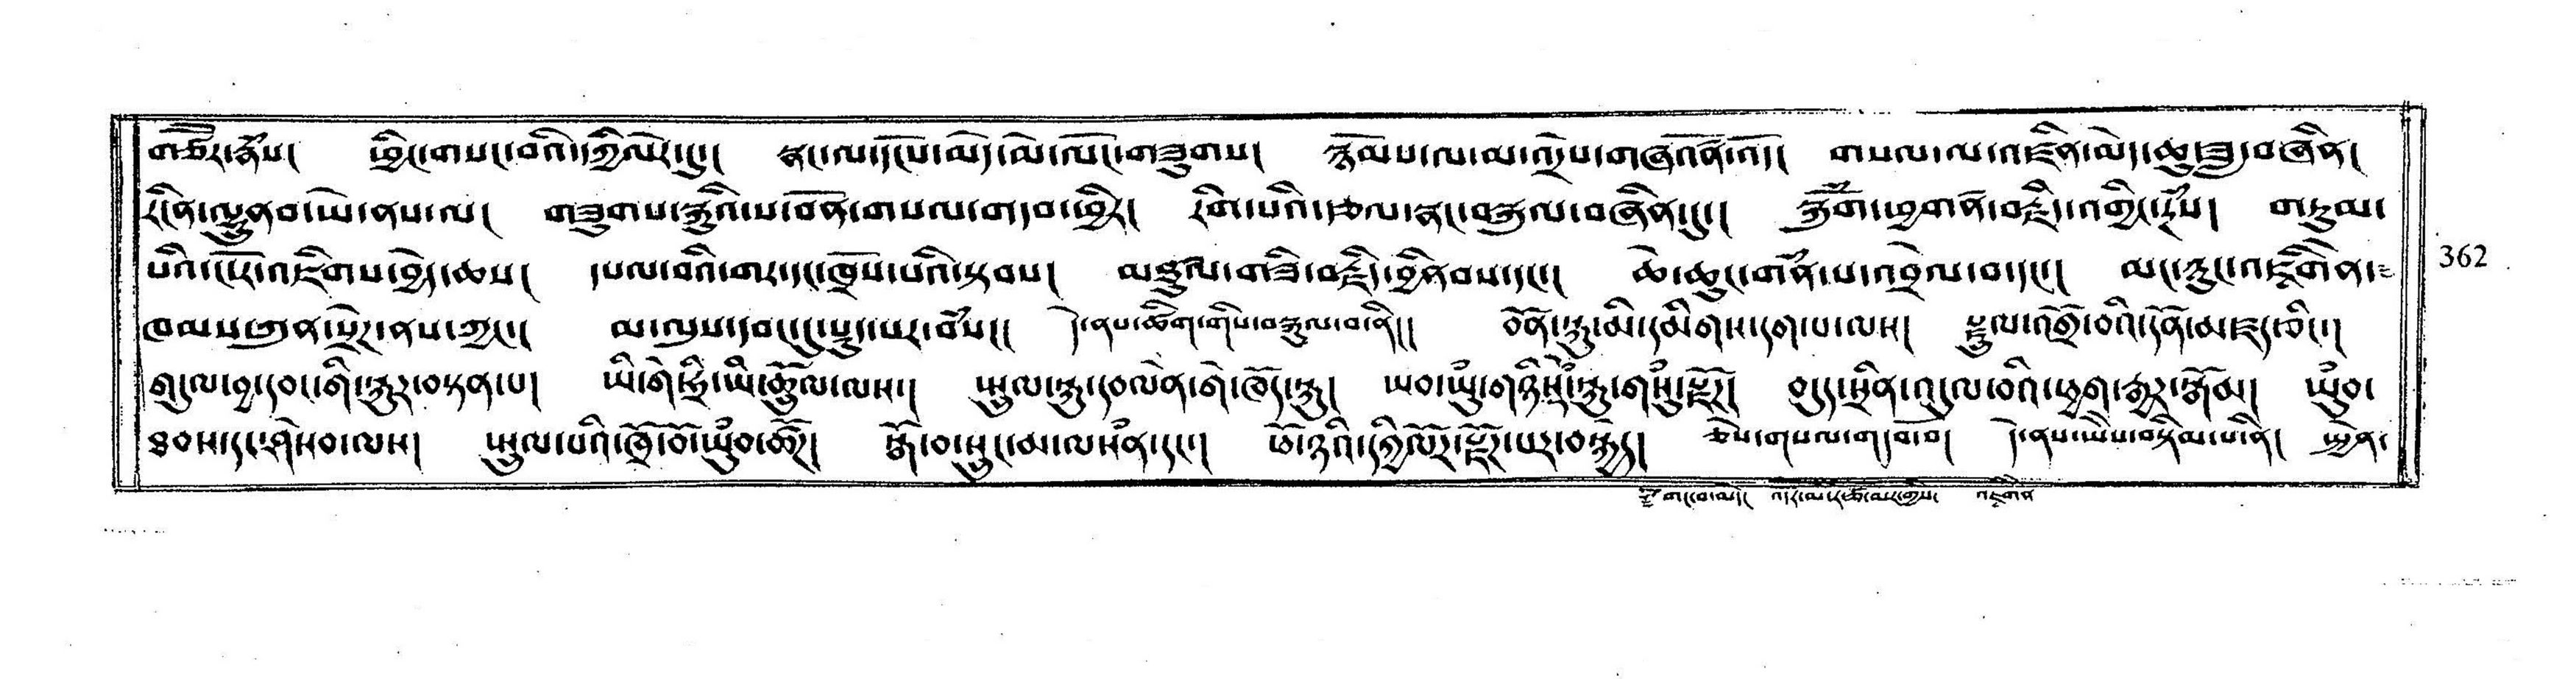གཙོ་བོར་རྣམས། ཕྱི་ནང་གསང་བའི་དཀྱིལ་འཁོར་དུ། སྣང་ལ་དངོས་མེད་མེ་ལོང་གཟུགས། སྙོམས་ལ་མ་འདྲེས་གཞའ་ཚོན་འོད། གསལ་ལ་འཛིན་མེད་ཆུ་ཟླ་བཞིན། 
རང་བཞིན་ལྷུན་གྲུབ་ཡེ་གནས་ལ། གཟུགས་སྐུའི་ས་བོན་གསལ་གདབ་ཕྱིར། རིག་པའི་རྩལ་སྣང་བསྐུལ་བཞིན་དུ། སྐུ་མདོག་ཕྱག་མཚན་བརྗིད་འགྱིང་རྔམས། གཏུམ་
པའི་ང་རོ་འཇིགས་བྱེད་ཆས། དཔའ་བའི་གར་དང་ཁྲོས་པའི་སྟབས། མཐུ་རྩལ་གཟི་བརྗིད་བྱིན་རླབས་དང་། ཆེ་ཆུང་གནམ་ས་འབྲེལ་བ་དང་། མང་ཉུང་འཇིག་རྟེན་
ཁམས་ཀུན་སྲེགས་ནས་ཀྱང་། མ་ལུས་དབང་དུ་སྡུད་པར་བསམ། དེ་ནས་ཚིག་གིས་བསྐུལ་བ་ནི།། བོན་སྐུ་མི་དམིགས་དག་པ་ལས། རྫུ་འཕྲུལ་འགྲོ་བའི་དོན་མཛད་ཅིང་། 
གདུལ་བྱ་དབང་གི་སྐུར་བསྟན་པ། ཡི་གེ་ཧྲི་ཡི་{374}ཆོ་འཕྲུལ་ལས། སྤྲུལ་སྐུ་དབལ་ཆེན་གེ་ཁོད་སྐུ། ཡབ་ཡུམ་གཉིས་མེད་སྐུ་གསུམ་རྫོགས། བདུད་སྲིན་འདུལ་བའི་ཕྱག་རྒྱར་སྒོམ། ཡབ་ཡུམ་
ཐབས་དང་ཤེས་རབ་ལས། སྤྲུལ་པའི་ཁྲོ་བོ་ཡབ་ཡུམ་ཚོགས། སྒོ་བ་སྲུང་མ་ལས་མཁན་དང་། ཕོ་ཉའི་དཀྱིལ་འཁོར་རྫོགས་པར་བསྐྱེད། ཅེས་གསལ་གདབ་བོ། དེ་ནས་ཡེ་ཤེས་བསྟིམ་པ་ནི། སྤྱན་འདྲེན་